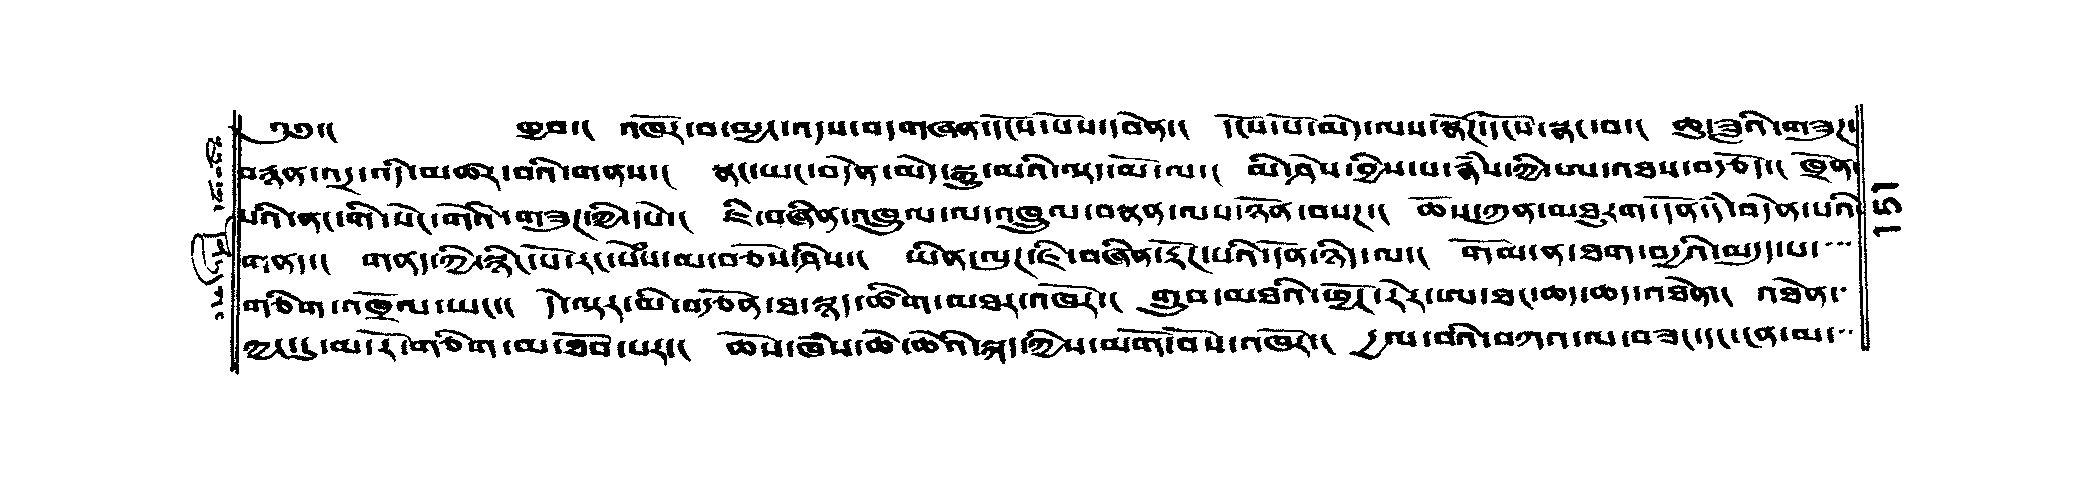ཁྱབ། །འཁོར་བ་མྱང་འདས་བདག་གཞན་དངོས་པོས་དབེན། །དངོས་པོ་མེད་ལས་སྣ་ཚོགས་དངོས་སྣང་བ། ཆུ་ཟླའི་གཟུགས་
བརྙན་འདྲ་འདི་མཚར་བའི་གནས། །སྣང་ཡང་བདེན་མེད་སྒྱུ་མའི་ལྟད་མོ་ལ། །མི་ཤེས་བྱིས་པ་རྣམས་ཀྱི་ཨ་འཐས་བརྩོད། །ཁྲོན་
པའི་ནང་གི་སེང་གེའི་གཟུགས་ཀྱི་དཔེ། །ཇི་བཞིན་འཁྲུལ་ལ་འཁྲུལ་བསྣན་ལས་ཉོན་བསགས། །ཆོས་ཀུན་མཐར་ཐུག་དོན་དམ་བདེན་པའི་
གནད། །གནད་ཀྱི་སྙིང་པོ་རང་སེམས་མ་བཅོས་གཤིས། །ཡིན་ལུགས་ཇི་བཞིན་རྟོགས་པའི་དོན་ཉིད་ལ། །གོམ་ན་ཐག་བརྒྱའི་མདུད་པ་
གཅིག་འཁྲོལ་ཡང་། །དེ་ལྟར་མི་བརྩོན་ཐ་སྙད་ཚིག་མཐར་འཁོར། །གྲུབ་མཐའི་ཕྱོགས་རེར་ཨ་ཐང་ཆད་ཆད་འཐེན། །འཐེན་
ཀྱང་དུ་མ་རོ་གཅིག་མ་ཐོབ་པར། །ཆོས་ཁམས་ཆེ་ཆེའི་སྐད་ཀྱིས་མགོ་བོ་འཁོར། །རྒྱལ་བའི་བཀའ་ལ་བཟང་དང་ངན་མ་